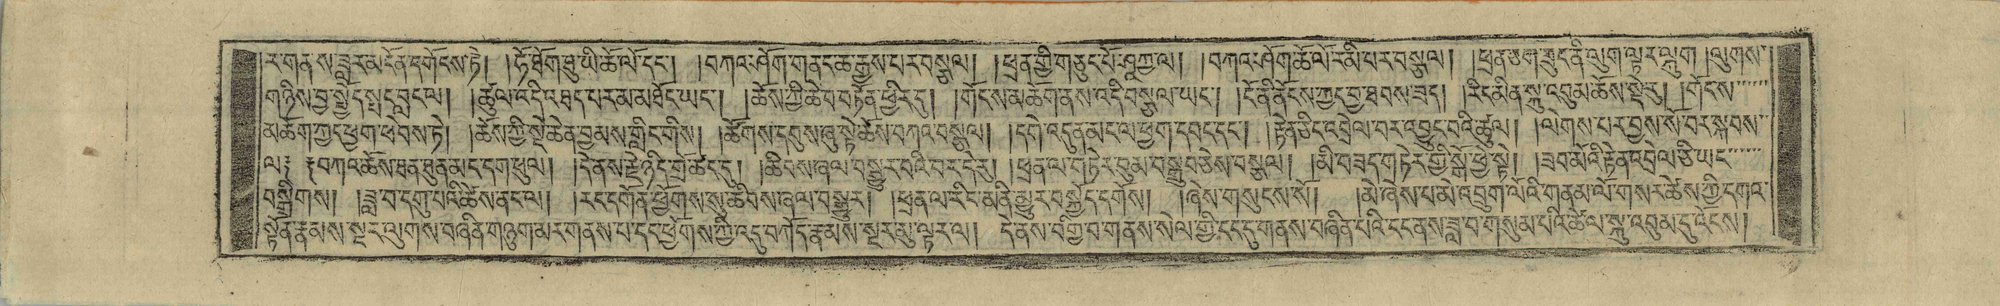ར་གན་ས་ཟླར་མངོན་དགོངས་ཏེ། །ཧོ་ཐོག་ཐུ་ཡི་ཆོ་ལོ་དང་། །བཀའ་ཤོག་གནང་ཆ་རྒྱས་པར་བསྩལ། །ཕྲན་གྱི་གཅུང་པོ་ཤཱཀྱ་ལ། །བཀའ་ཤོག་ཆོ་ལོ་རིམ་པར་བསྩལ། །ཕྲན་ཅག་ཟུང་ནི་ལུག་ལྟར་ལྐུག །ལུགས་
གཉིས་བྱ་སྤྱོད་སྤང་བླང་ལ། །ཚུལ་འདི་འཐད་པར་མ་མཐོང་ཡང་། །ཆོས་ཀྱི་ཆེ་བ་བཏོན་ཕྱིར་དུ། །གོང་ས་མཆོག་ནས་འདི་བསྩལ་ཡང་། །ངོ་ནི་ནོངས་ཀྱང་བྱ་ཐབས་ཟད། །རིང་མིན་སྐུ་འབུམ་ཆོས་སྡེ་རུ། །གོང་ས་
མཆོག་ཀྱང་ཕྱག་ཕེབས་ཏེ། །ཆོས་ཀྱི་སྡེ་ཆེན་བྱམས་གླིང་གིས། །ཚོགས་དབུས་ཞུ་སྟེ་ཆོས་བཀའ་བསྩལ། །དགེ་འདུན་མང་ལ་ཕྱག་དབང་དང་། །རྟེན་ཅིང་འབྲེལ་བར་འབྱུང་བའི་ཚུལ། །ལེགས་པར་བྱས་སོ་བར་སྐབས་
ལ། །བཀའ་ཆོས་ཐན་ཐུན་མང་དག་ཕུལ། །དེ་ནས་རྗེ་ཉིད་གྲོ་ཚང་དུ། །ཆིབས་ཞལ་བསྒྱུར་བའི་བར་དེ་རུ། །ཕྲན་ལ་གཏེར་བུམ་བསྒྲུབ་ཅེས་བསྩལ། །མི་བཟད་གཏེར་གྱི་སྒོ་ཕྱེ་སྟེ། །ཟབ་མོའི་རྟེན་འབྲེལ་ཅི་ཡང་
བསྒྲིགས། །ཟླ་བ་དགུ་པའི་ཚེས་ནང་ལ། །རང་དགོན་ཕྱོགས་སུ་ཆིབས་ཞལ་བསྒྱུར། །ཕྲན་ལ་རིང་མིན་མྱུར་བསྐྱོད་དགོས། །ཞེས་གསུངས་སོ། །མེ་ཞེས་པ་མི་འབྲུག་ལོའི་གནམ་ལོ་གསར་ཚེས་ཀྱི་དགའ་
སྟོན་རྣམས་སྔར་ལུགས་བཞིན་གཉུག་མར་གནས་པ་དང་ཕྱོགས་ཀྱི་འདུ་བཀོད་རྣམས་སྔར་མུ་ལྟར་ལ། དེ་ནས་བགྱི་བ་གནས་སེལ་གྱི་ངང་དུ་གནས་བཞིན་པའི་ངང་ནས་ཟླ་བ་གསུམ་པའི་ཚེ་ལ་སྐུ་འབུམ་དུ་འོངས།